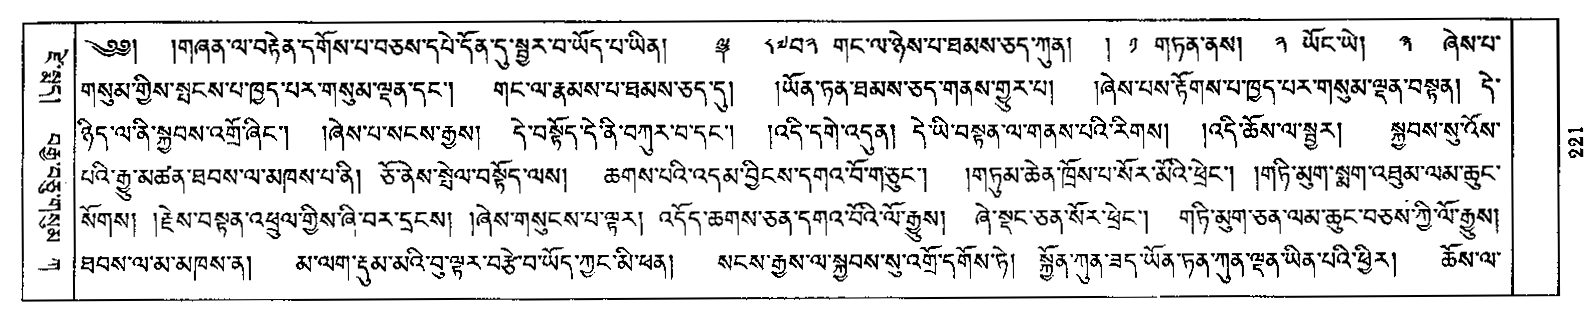༄༅། །གཞན་ལ་བརྟེན་དགོས་པ་བཅས་དཔེ་དོན་དུ་སྦྱར་བ་ཡོད་པ་ཡིན། ༈ ༨༧་བ ༢་གང་ལ་ཉེས་པ་ཐམས་ཅད་ཀུན། །༡་གཏན་ནས། ༢་ཡོང་ཡེ། ༣་ཞེས་པ་
གསུམ་གྱིས་སྤངས་པ་ཁྱད་པར་གསུམ་ལྡན་དང་། གང་ལ་རྣམས་པ་ཐམས་ཅད་དུ། །ཡོན་ཏན་ཐམས་ཅད་གནས་གྱུར་པ། །ཞེས་པས་རྟོགས་པ་ཁྱད་པར་གསུམ་ལྡན་བསྟན། དེ་
ཉིད་ལ་ནི་སྐྱབས་འགྲོ་ཞིང་། །ཞེས་པ་སངས་རྒྱས། དེ་བསྟོད་དེ་ནི་བཀུར་བ་དང་། །འདི་དགེ་འདུན། དེ་ཡི་བསྟན་ལ་གནས་པའི་རིགས། །འདི་ཆོས་ལ་སྦྱར། སྐྱབས་སུ་འོས་
པའི་རྒྱུ་མཚན་ཐབས་ལ་མཁས་པ་ནི། ཅོ་ནེས་སྤེལ་བསྟོད་ལས། ཆགས་པའི་འདམ་བྱིངས་དགའ་བོ་གཅུང་། །གཏུམ་ཆེན་ཁྲོས་པ་སོར་མོའི་ཕྲེང་། །གཏི་མུག་སྨག་འཐུམ་ལམ་ཆུང་
སོགས། །རྗེས་བསྟན་འཕྲུལ་གྱིས་ཞི་བར་དྲངས། །ཞེས་གསུངས་པ་ལྟར། འདོད་ཆགས་ཅན་དགའ་བོའི་ལོ་རྒྱུས། ཞེ་སྡང་ཅན་སོར་ཕྲེང་། གཏི་མུག་ཅན་ལམ་ཆུང་བཅས་ཀྱི་ལོ་རྒྱུས།
ཐབས་ལ་མ་མཁས་ན། མ་ལག་རྡུམ་མའི་བུ་ལྟར་བརྩེ་བ་ཡོད་ཀྱང་མི་ཕན། སངས་རྒྱས་ལ་སྐྱབས་སུ་འགྲོ་དགོས་ཏེ། སྐྱོན་ཀུན་ཟད་ཡོན་ཏན་ཀུན་ལྡན་ཡིན་པའི་ཕྱིར། ཆོས་ལ་